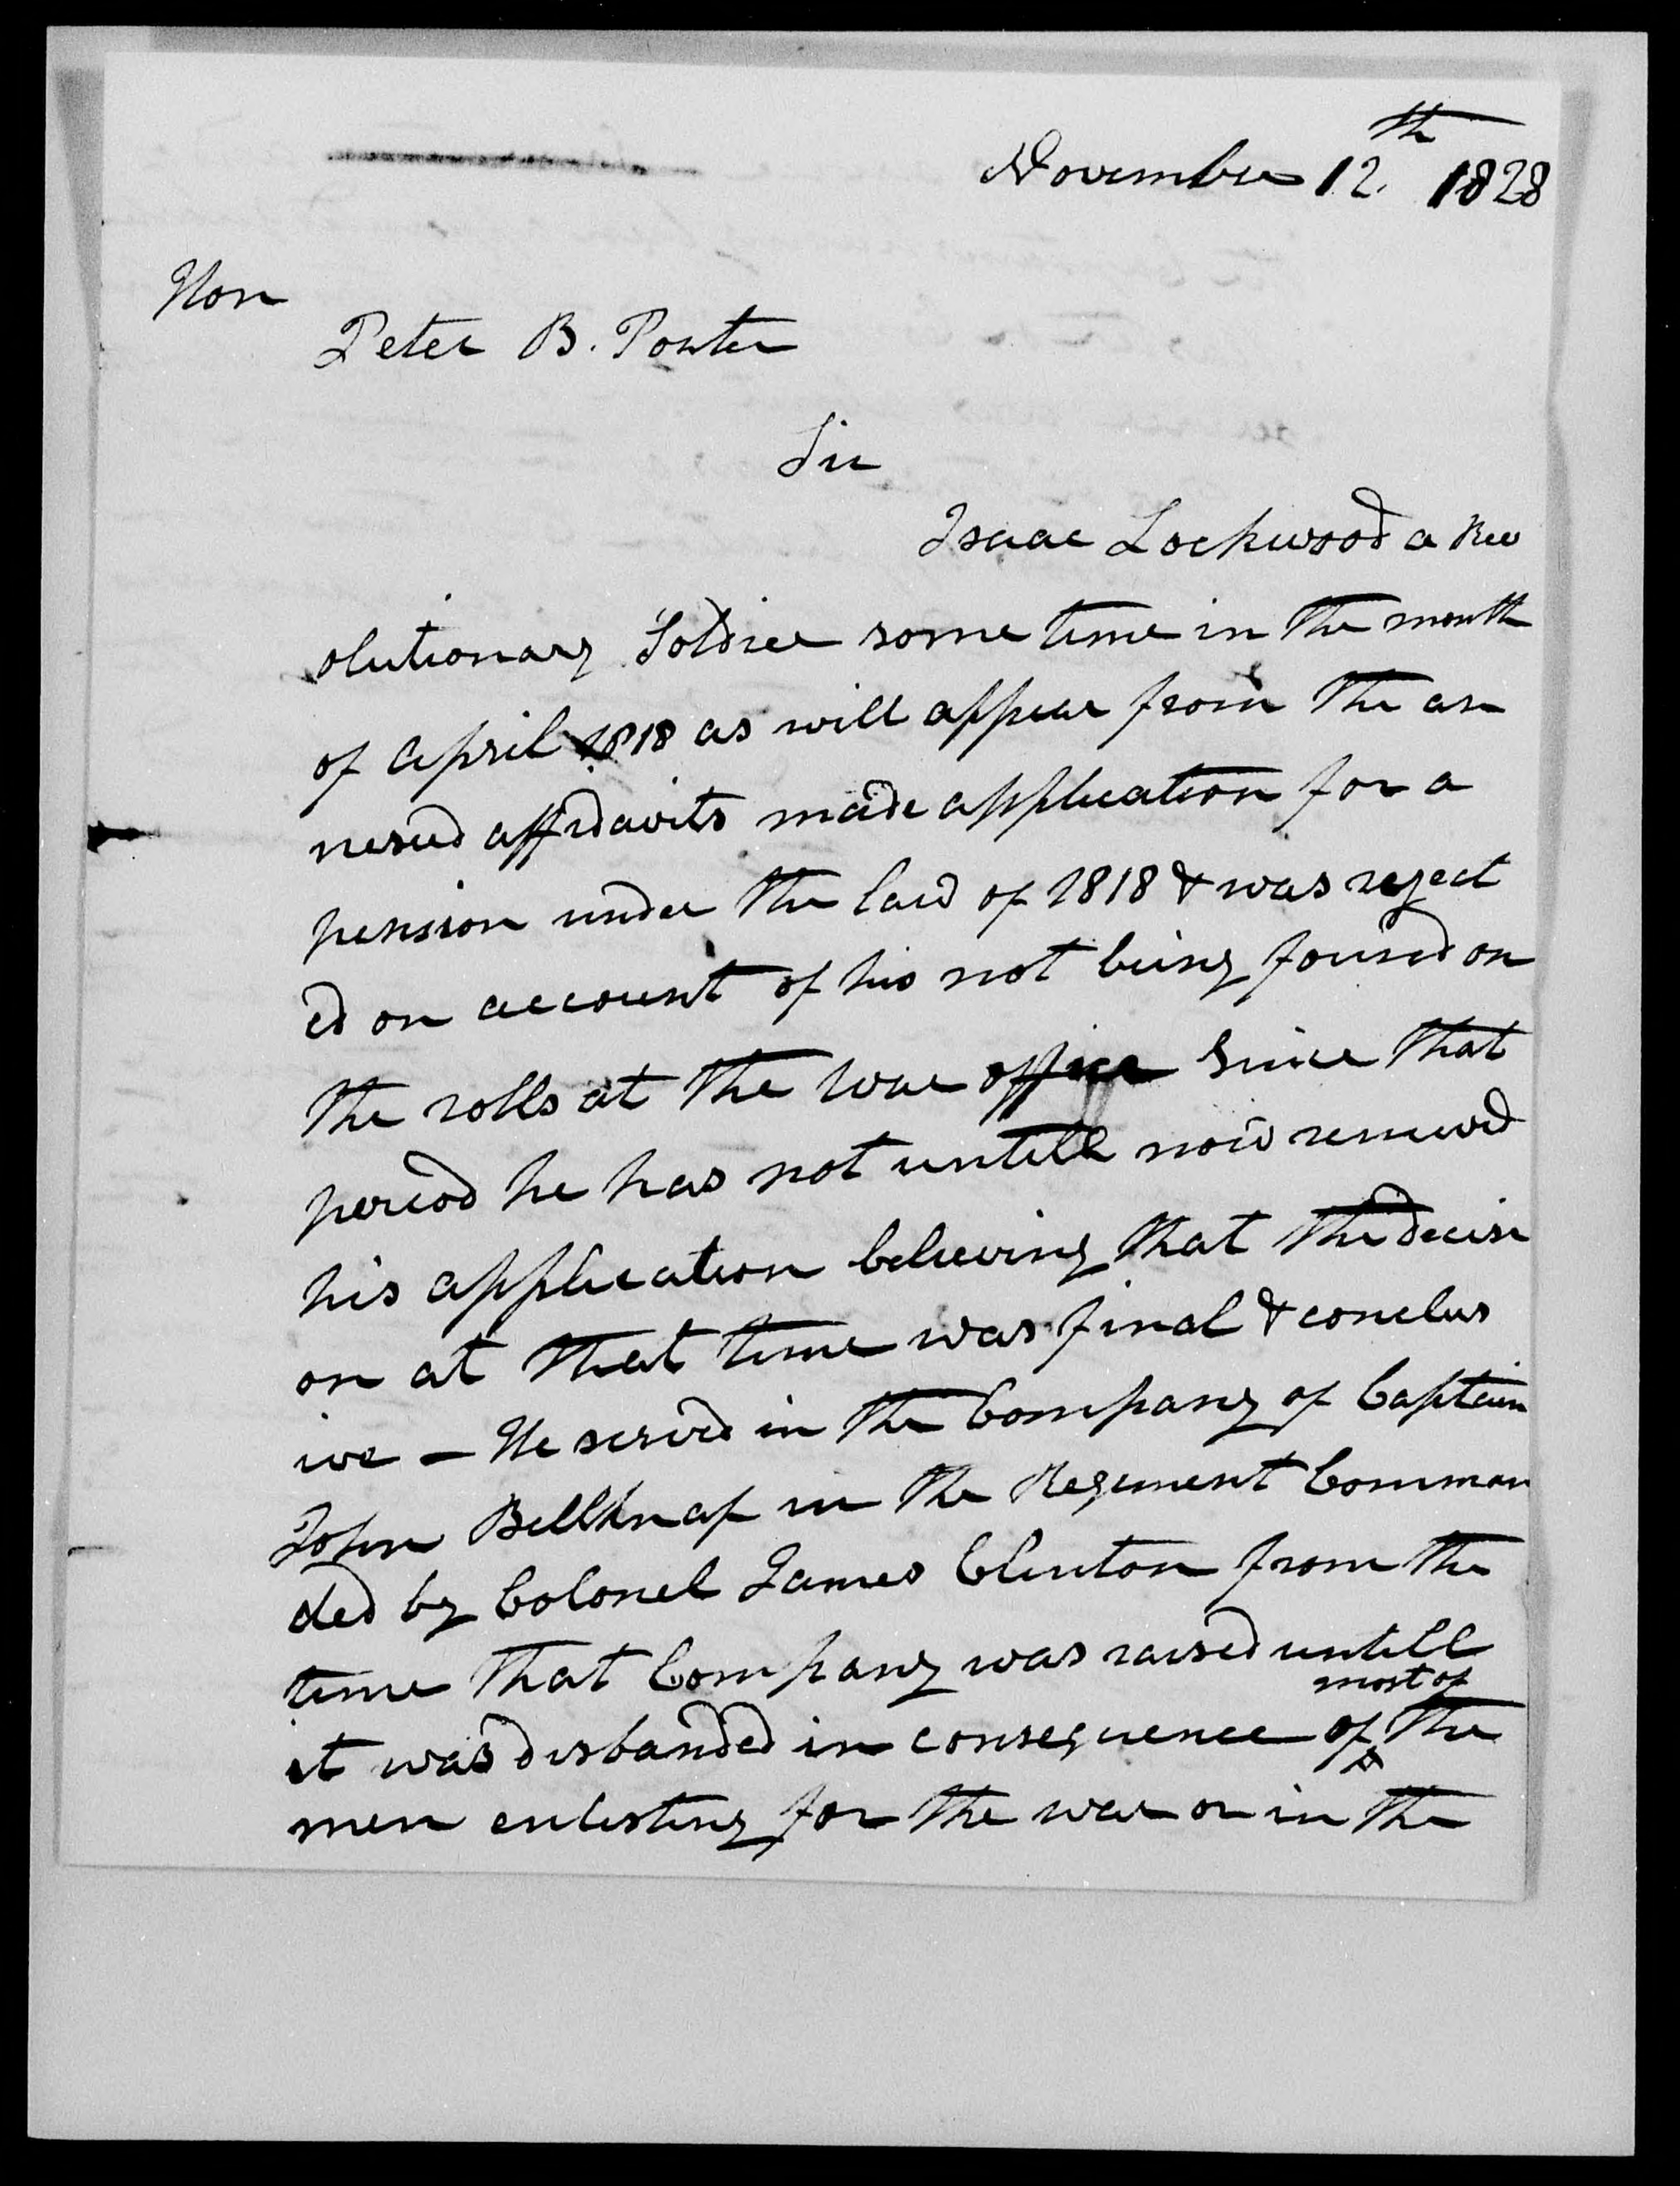November 12th 1828

Hon
Peter B Porter

Sir

Isaac Lockwood a Revolutionary Soldier some time in the month of April 1818 as will appear from the annexed affidavits made application for a pension under the Law of 1818 & was rejected on account of his not being found on the rolls at the war office since that period he has not until now resumed his application believing that the decision at the time was final & conclusive - He served in the Company of Captain John Belknap in the Regiment Commanded by Colonel James Clinton from the time that Company was raised untill it was disbanded in consequence of most of the men enlisting for the war or in the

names: John Bellknap; James Clinton; Peter B Porter; Isaac Lockwood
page: 13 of 23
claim: survivor's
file: S 42891, for Isaac Lockwood, New York